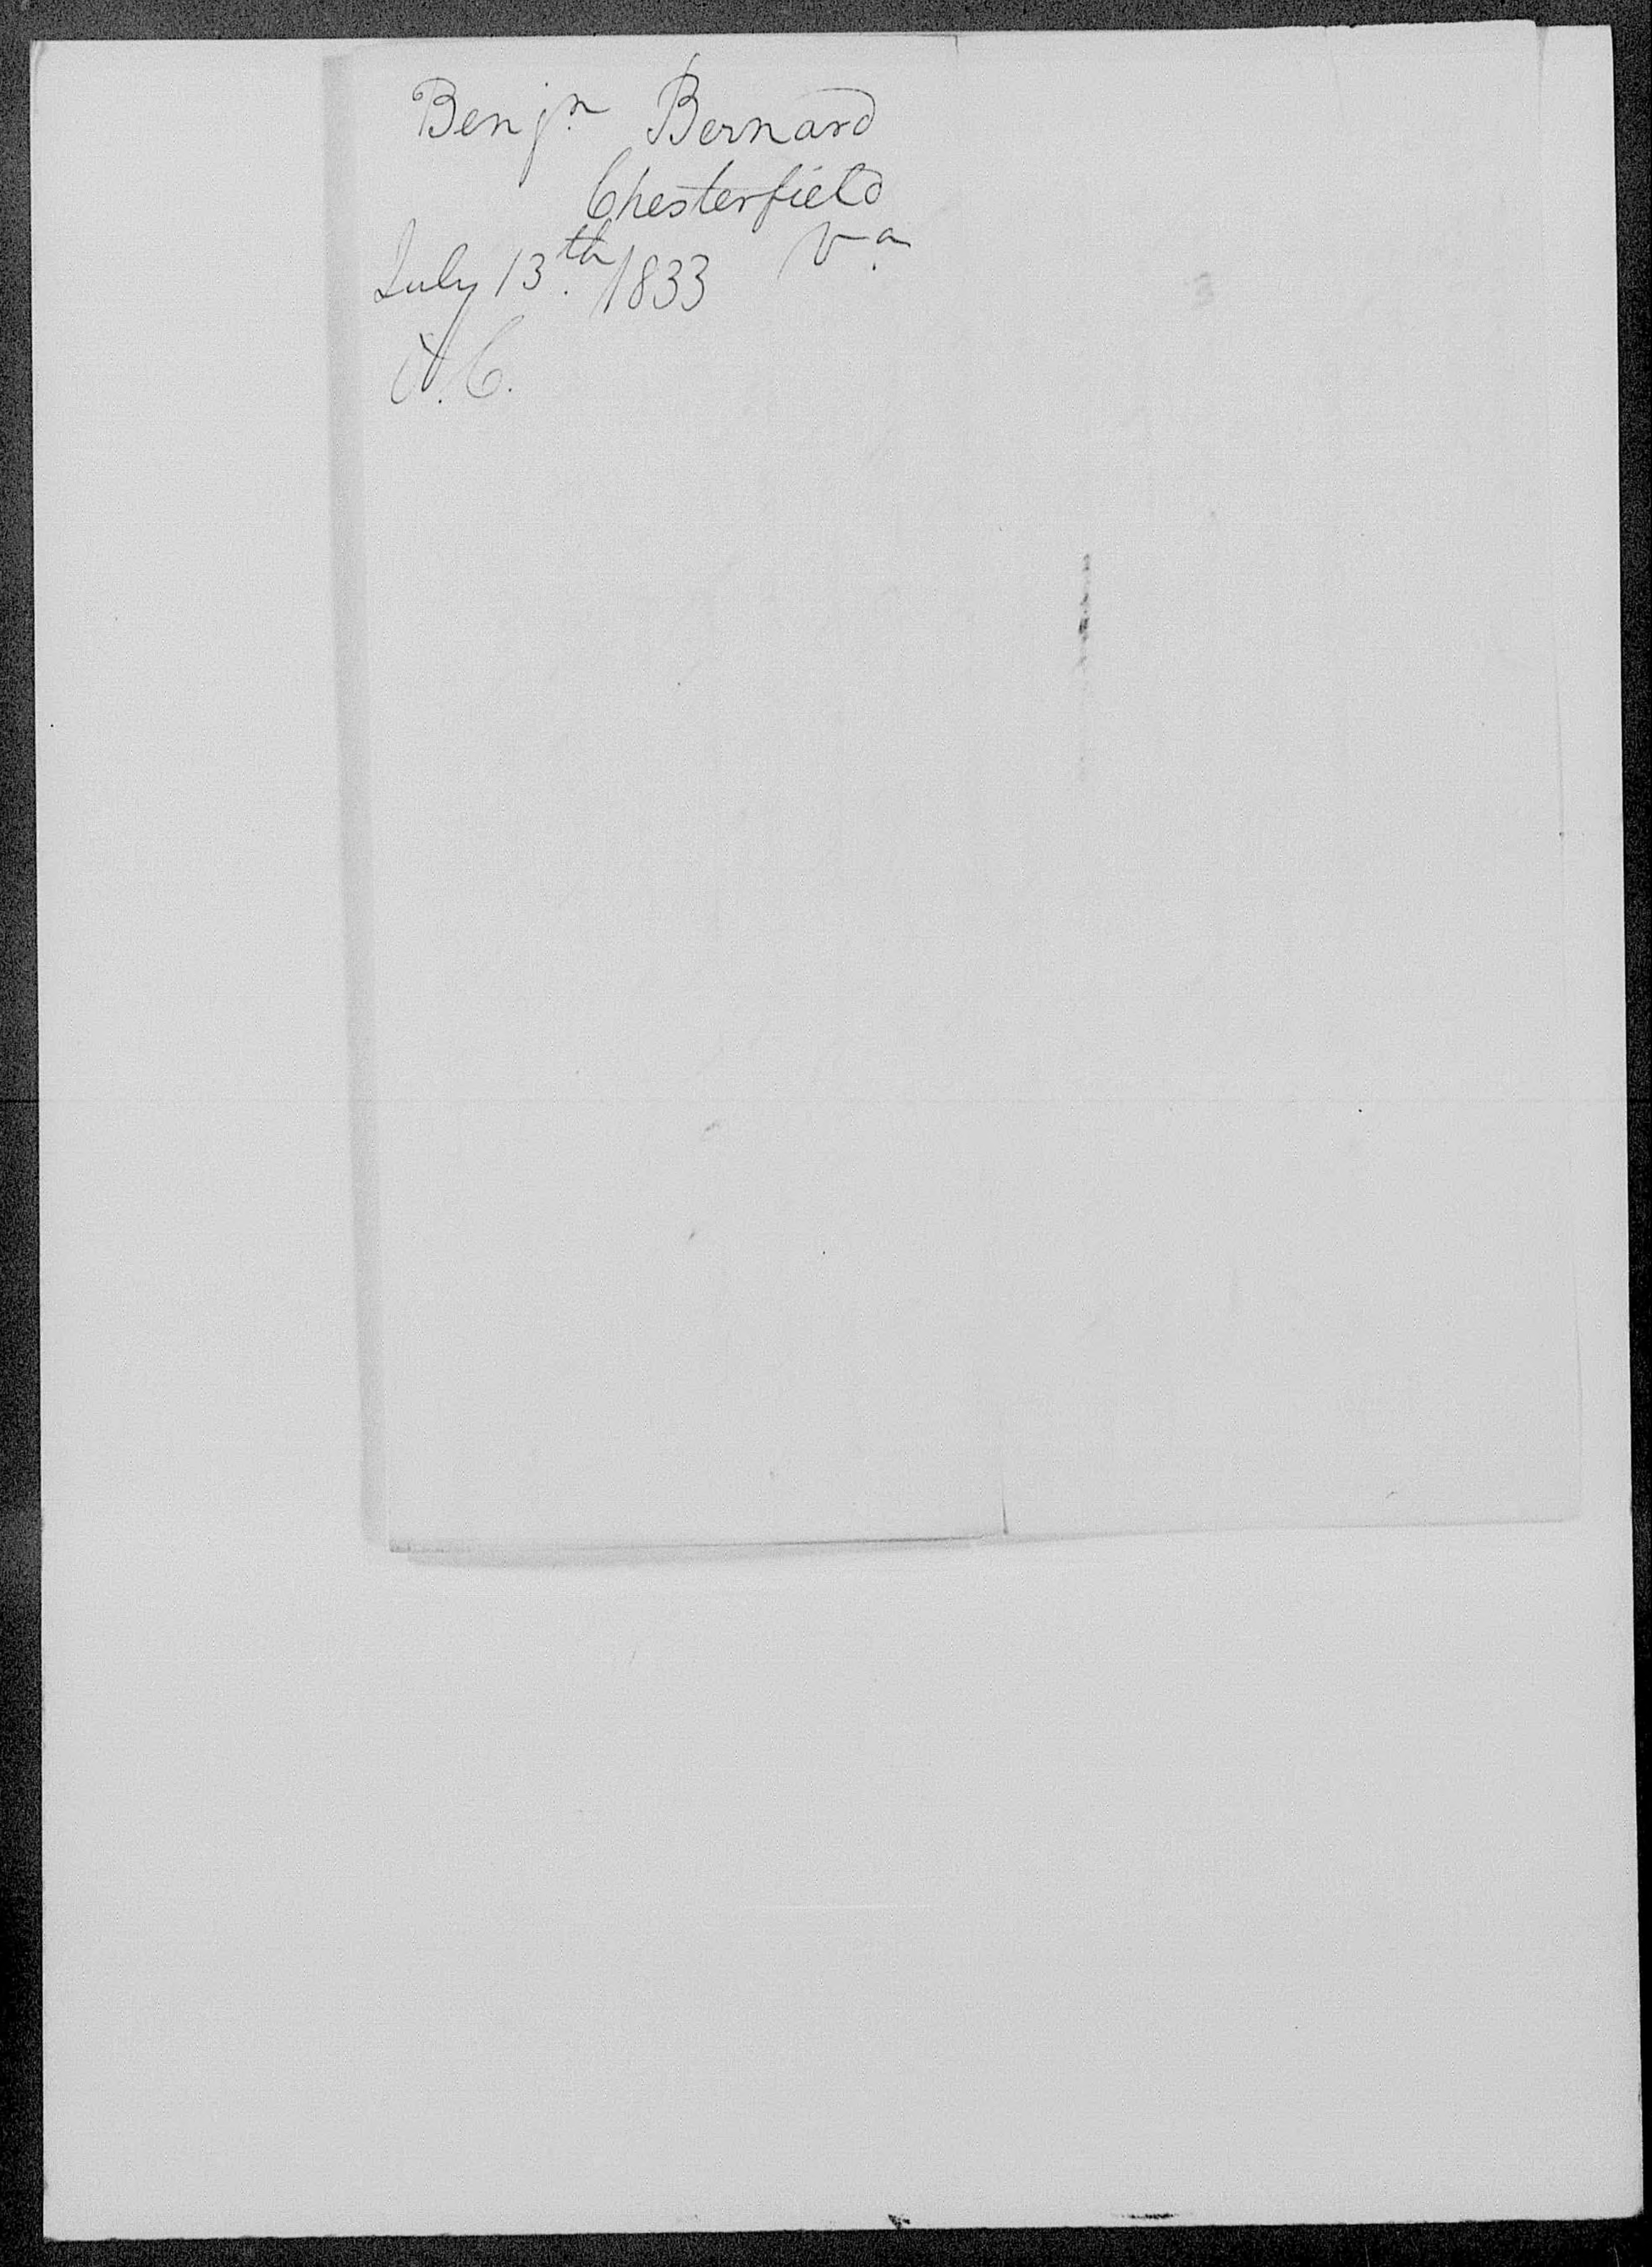Benjn Bernard
Chesterfield
Va
July 13th 1833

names: Benjn Bernard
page: 10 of 18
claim: survivor's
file: S. 9096, Benjamin Barnard, Va.